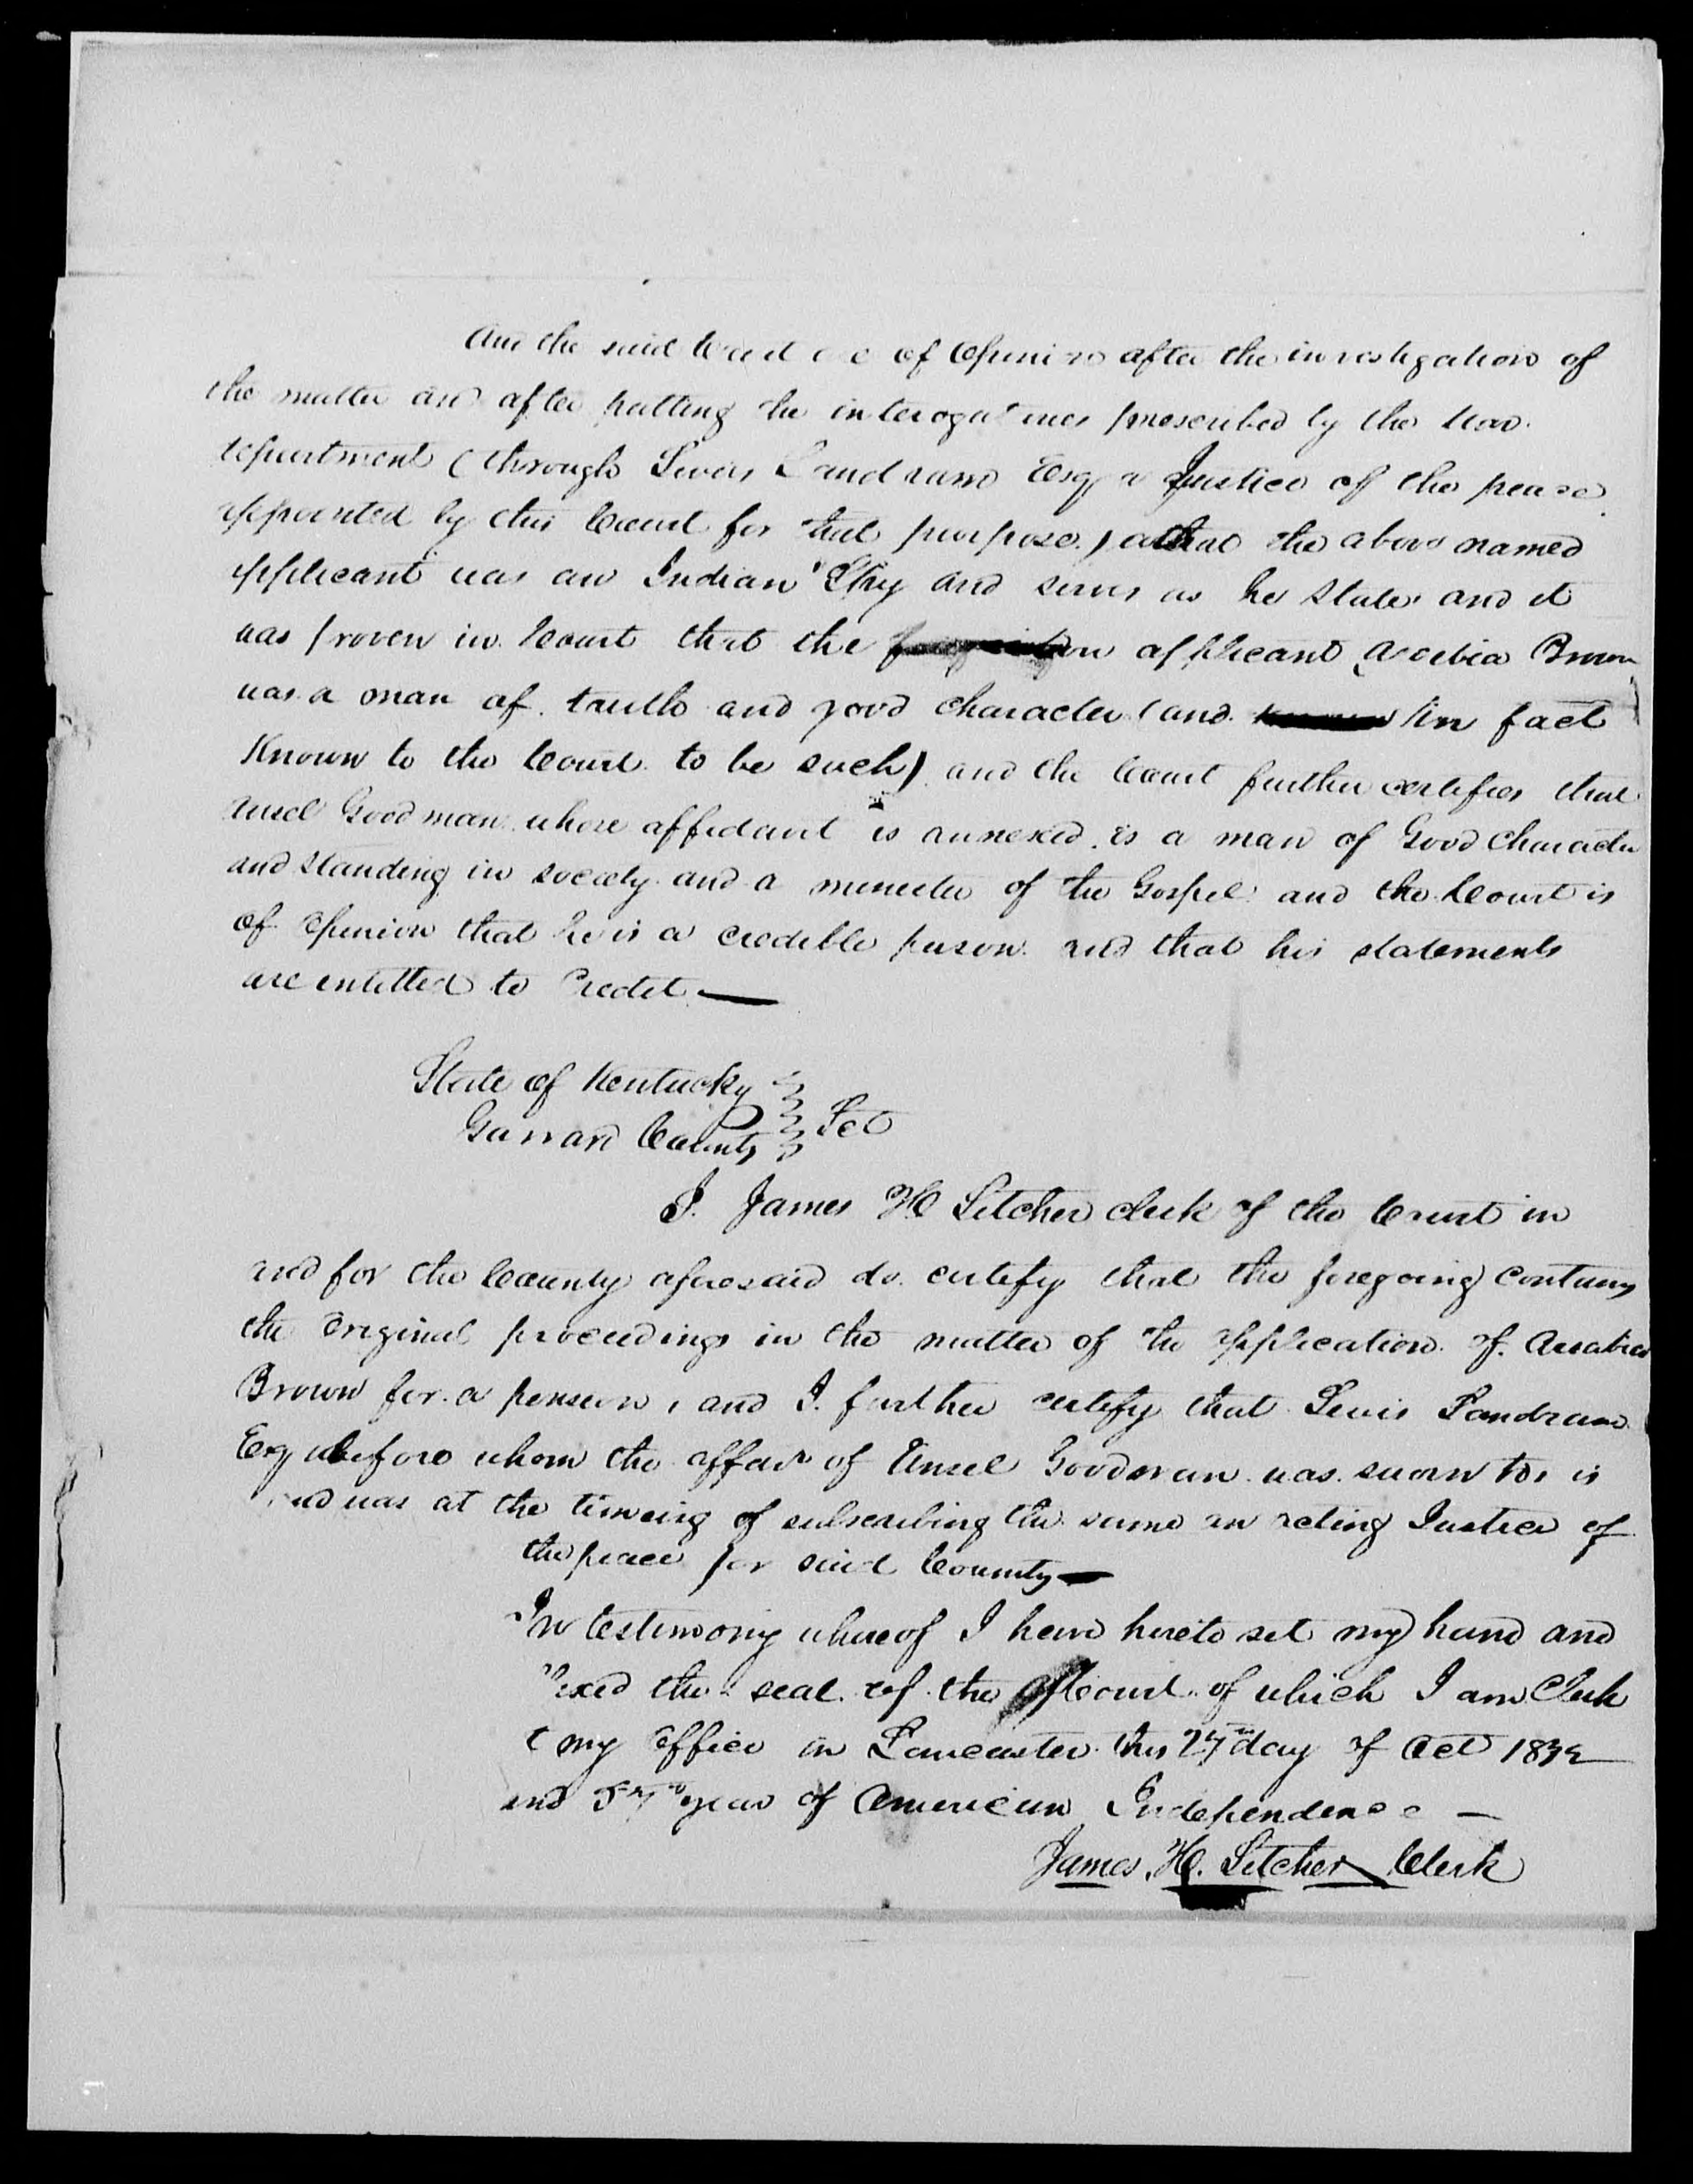and the said court is of opnion after the investigation of the matter and after putting the interrogatories prescribed by the War department through Lewis Landrum Esq a Justice of the peace appointed by this Court for that purpose that the above named applicant was an Indian Spy and served as he states, and it was proven in Court that the applicant Arabia Brown was a man of truth and good character and in fact known to the Court to be such, and the Court further certifies that and a good man whose affidavit is annexed is a man of Good character
and standing in society and a minister of the Gospel; and the Court is of opinion that he is a credible person and that his statements are entitled to credit.


State of Kentucky
Garrard County Set
I James H Letcher Clerk of the Court in
and for the County aforesaid do certify that the foregoing contains the original proceedings in the matter of the application of Arabia Brown for a pension, and I further certify that Lewis Landrum Esq before whom the affair of Ansel Goodman was sworn to is
and was at the time of subscribing the same an acting Justice of the peace for said County.

In testimony whereof I have hereto set my hand and affixed the seal of the Court of which I am clerk my office in Lancaster this 27th day of Oct 1832 and 57th year of American Independence.
James H Letcher Clerk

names: Lewis Landram, Ansel Goodman, Arrabia Brown, James H Letcher, Arcebia Brown, James H Letcher, Ansel Goodman, Lewis Landram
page: 55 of 65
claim: widow's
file: W. 8384, Arabia Brown, Va.